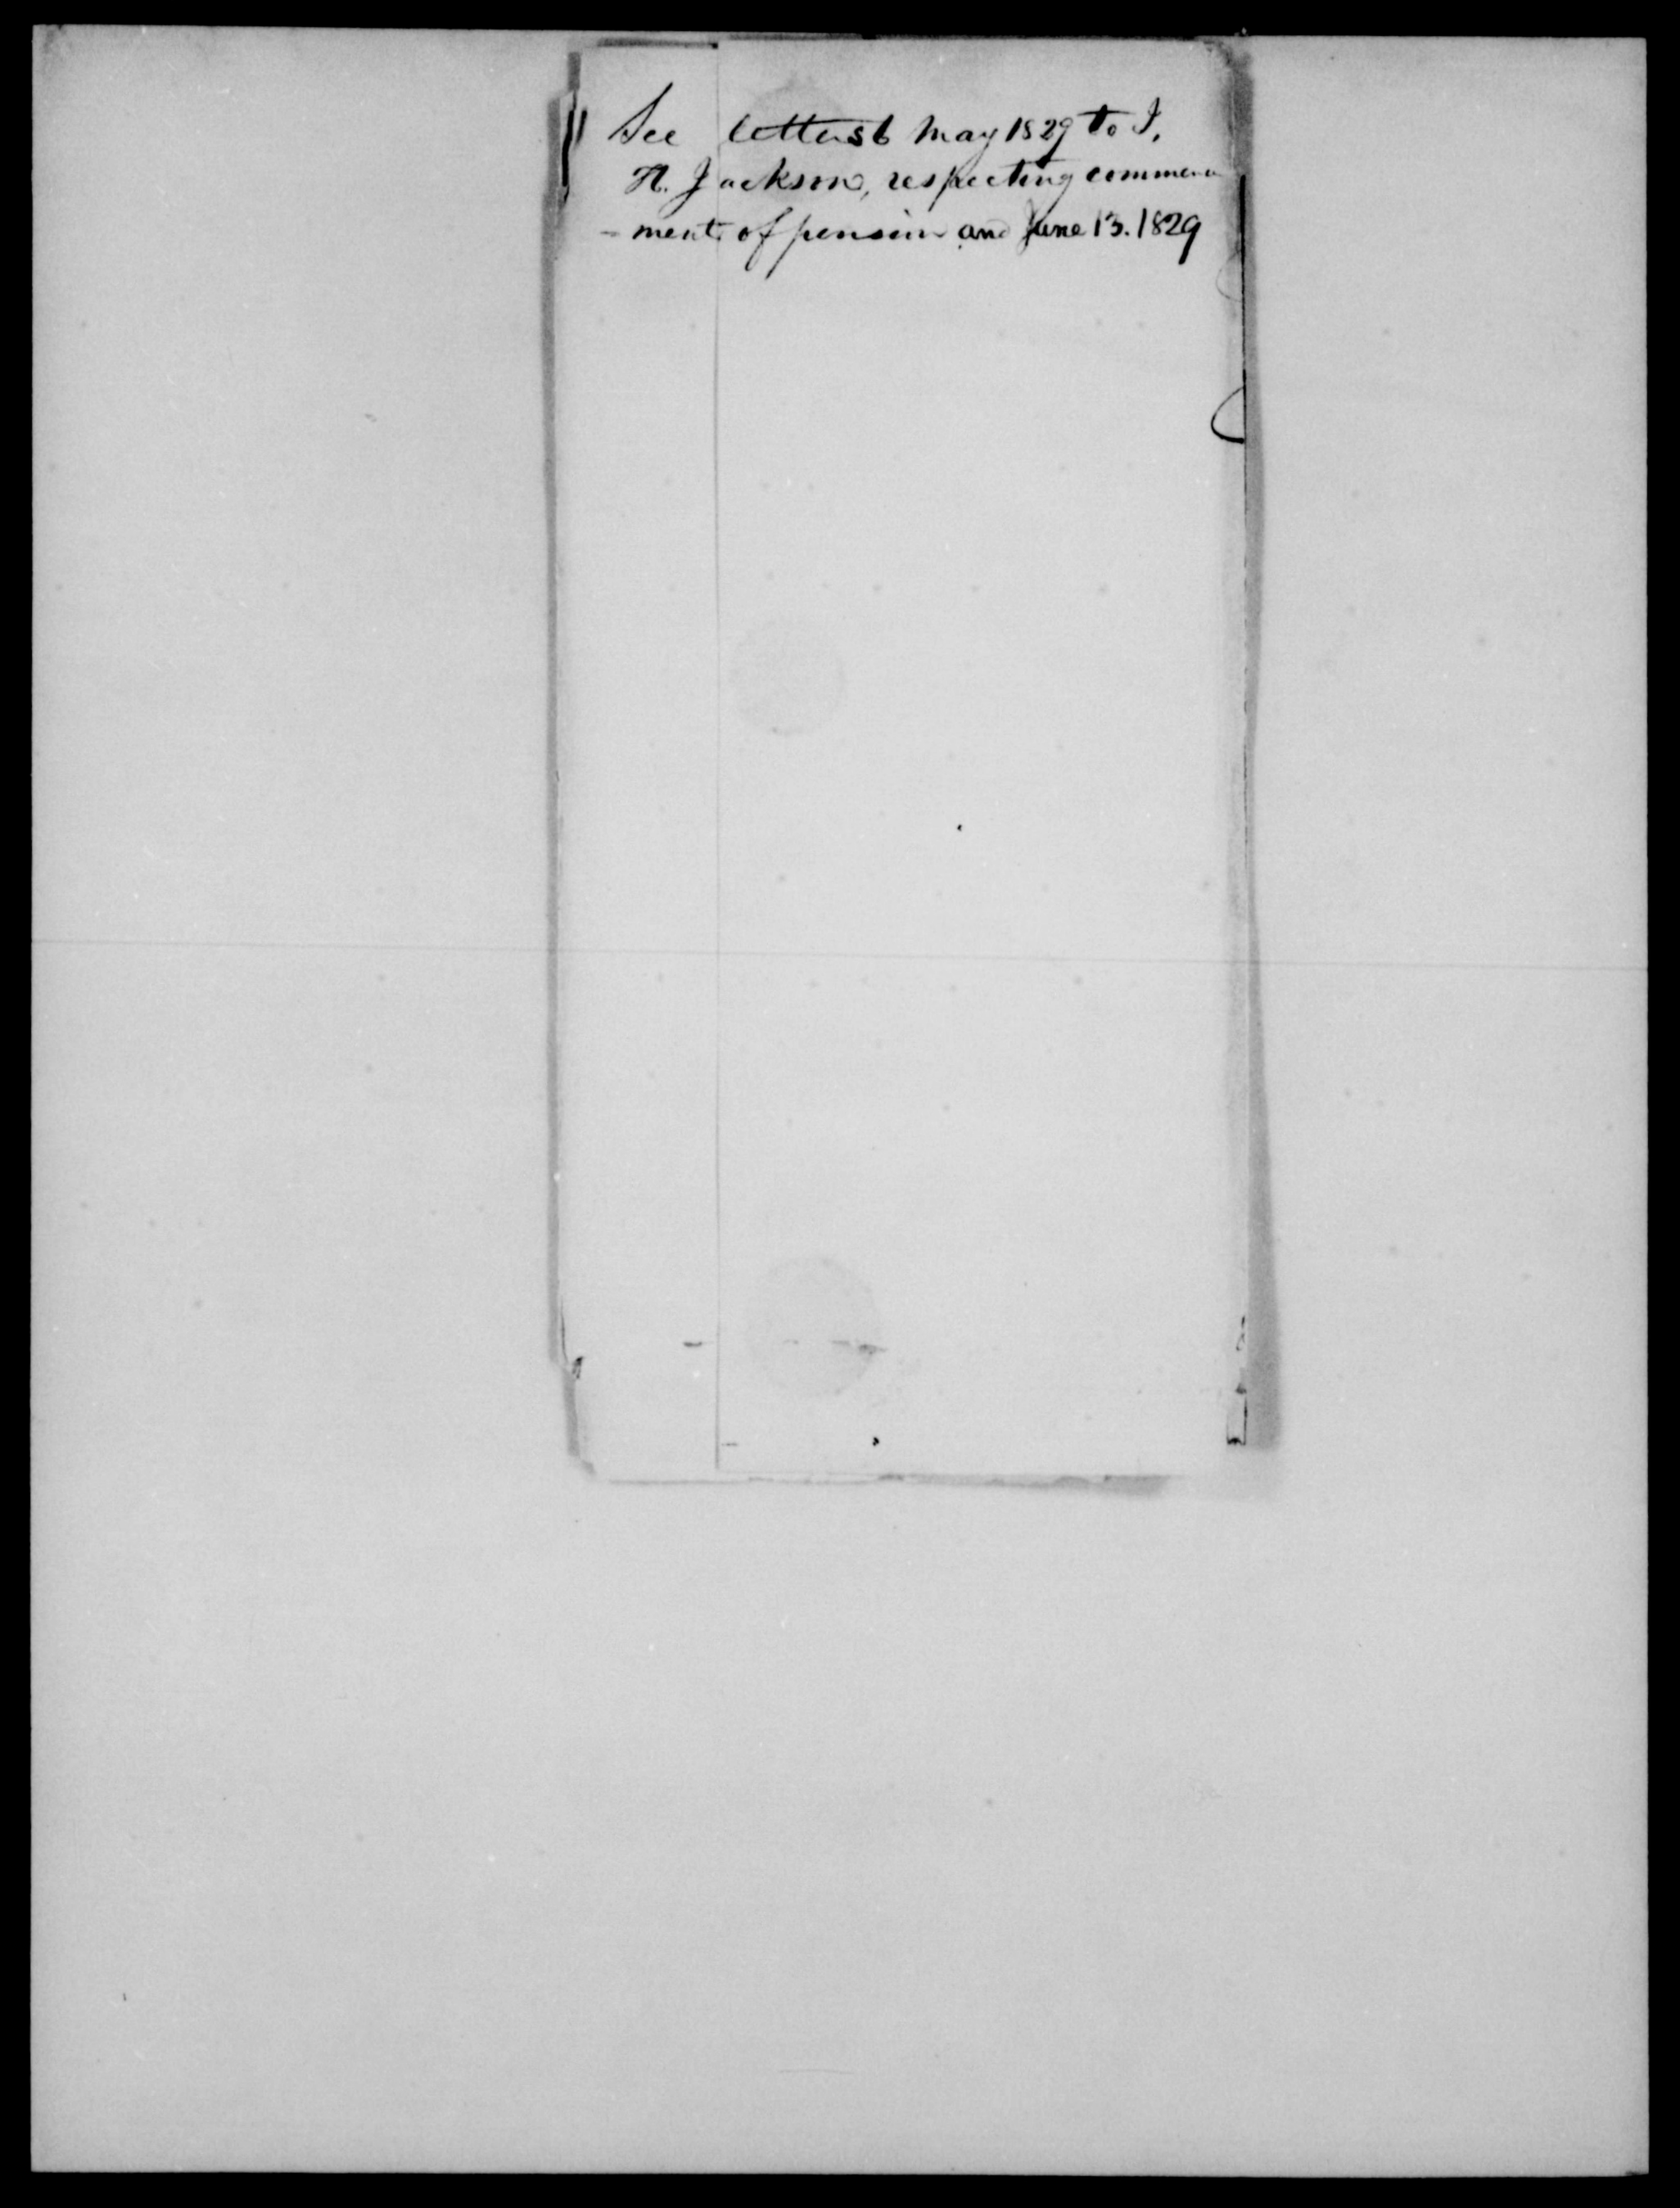See letters 6 May 1829 to  I. H. Jackson, respecting commencement of pension and June 13. 1829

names: J H Jackson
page: 3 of 15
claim: survivor's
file: S. 43157, for Jacob Smith, Vermont